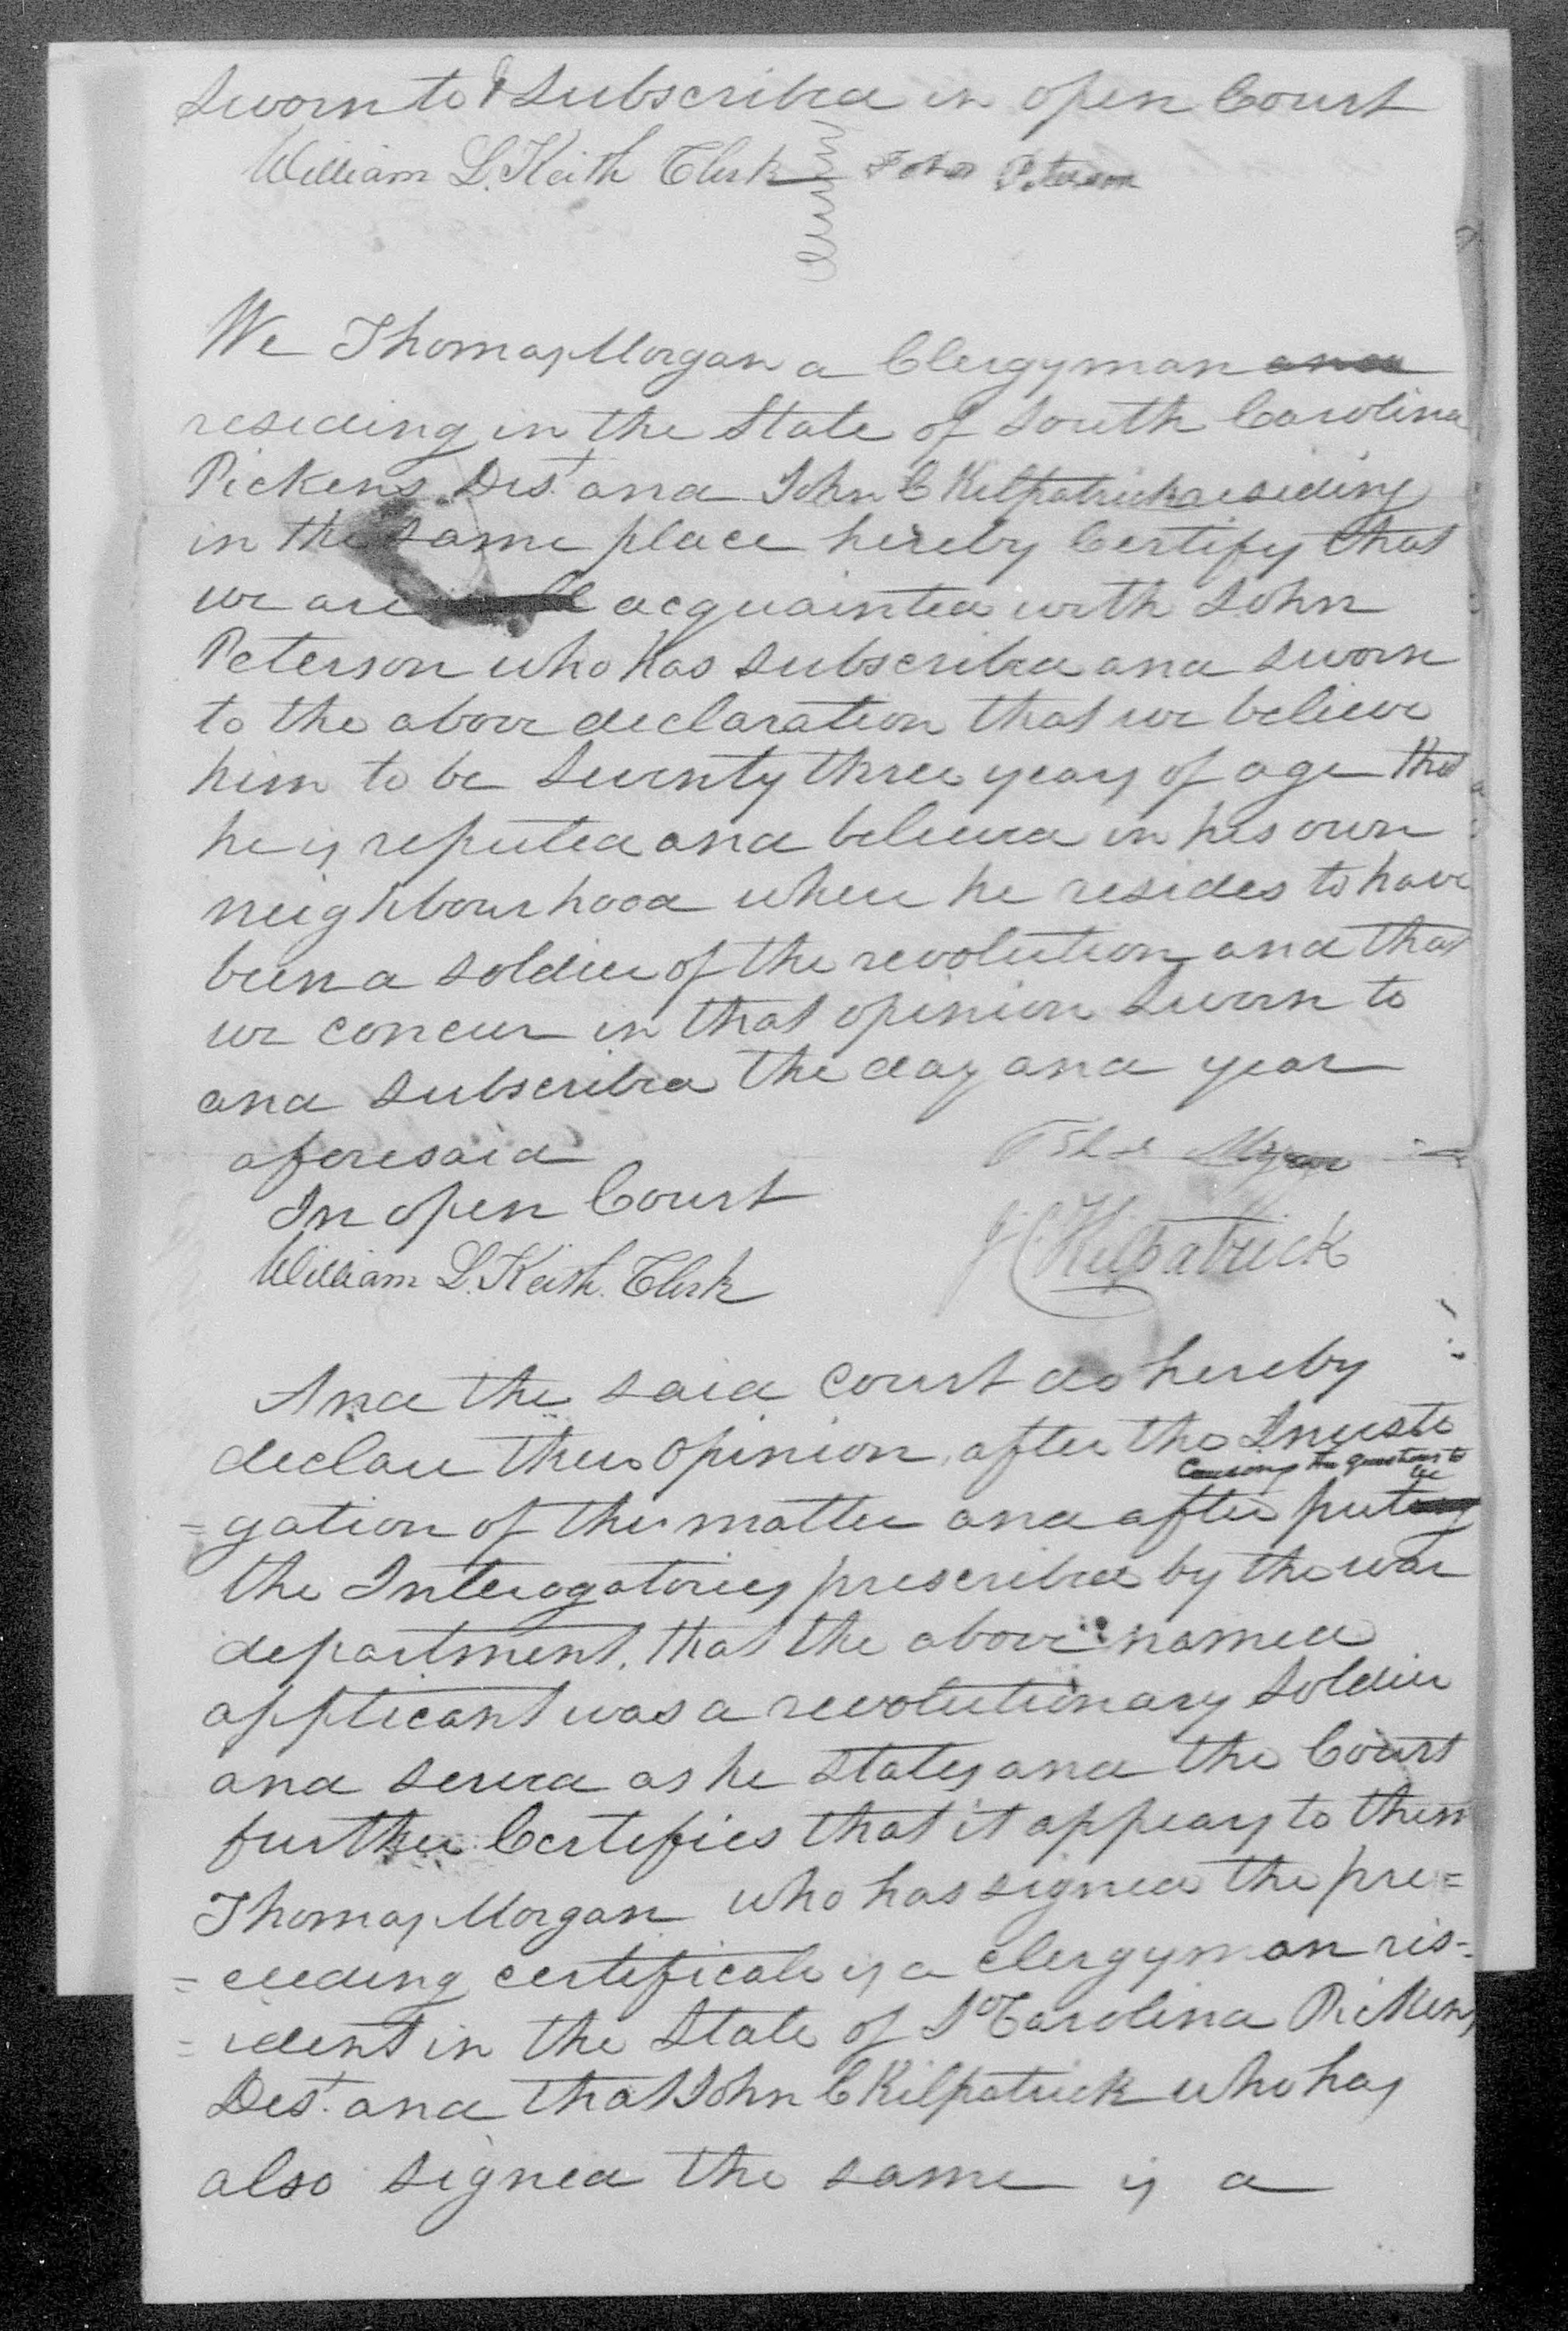sworn to + subscribed in open court William L. Keith Clerk   John Peterson

We Thomas Morgan a clergyman residing in the State of South Carolina Pickens District and John B Klpatrick residing in the same place hereby certify that we are acquainted with John Peterson
who has subscribed and sworn to above declaration that we believe him to be seventy three years of age that he is reputed and believed in his own neighborhood where he resides to have been a soldier of the revolutionary and that we concur in that opinion sworn to and subscribed the day and year aforesaid in open court
(signed) William L. Keith clerk 
(signed) JB Kilpatrick
And the said court do hereby declare thus opinion after the investigation of the matter and after putting the interrogatories prescribed by the war department that the above named applicant was a revolutionary soldier and served as he states and the court further certifies that it appears to them Thomas Morgan who has signed the proceeding certificates is a clergyman resident in the state of So. Carolina Pickens District and that John L. Kilpatrick who has also signed the same is a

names: Thomas Morgan; John Peterson; John C Kilpatrick; William L Keith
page: 7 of 13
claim: survivor's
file: S. 9,456, for John Peterson, North Carolina